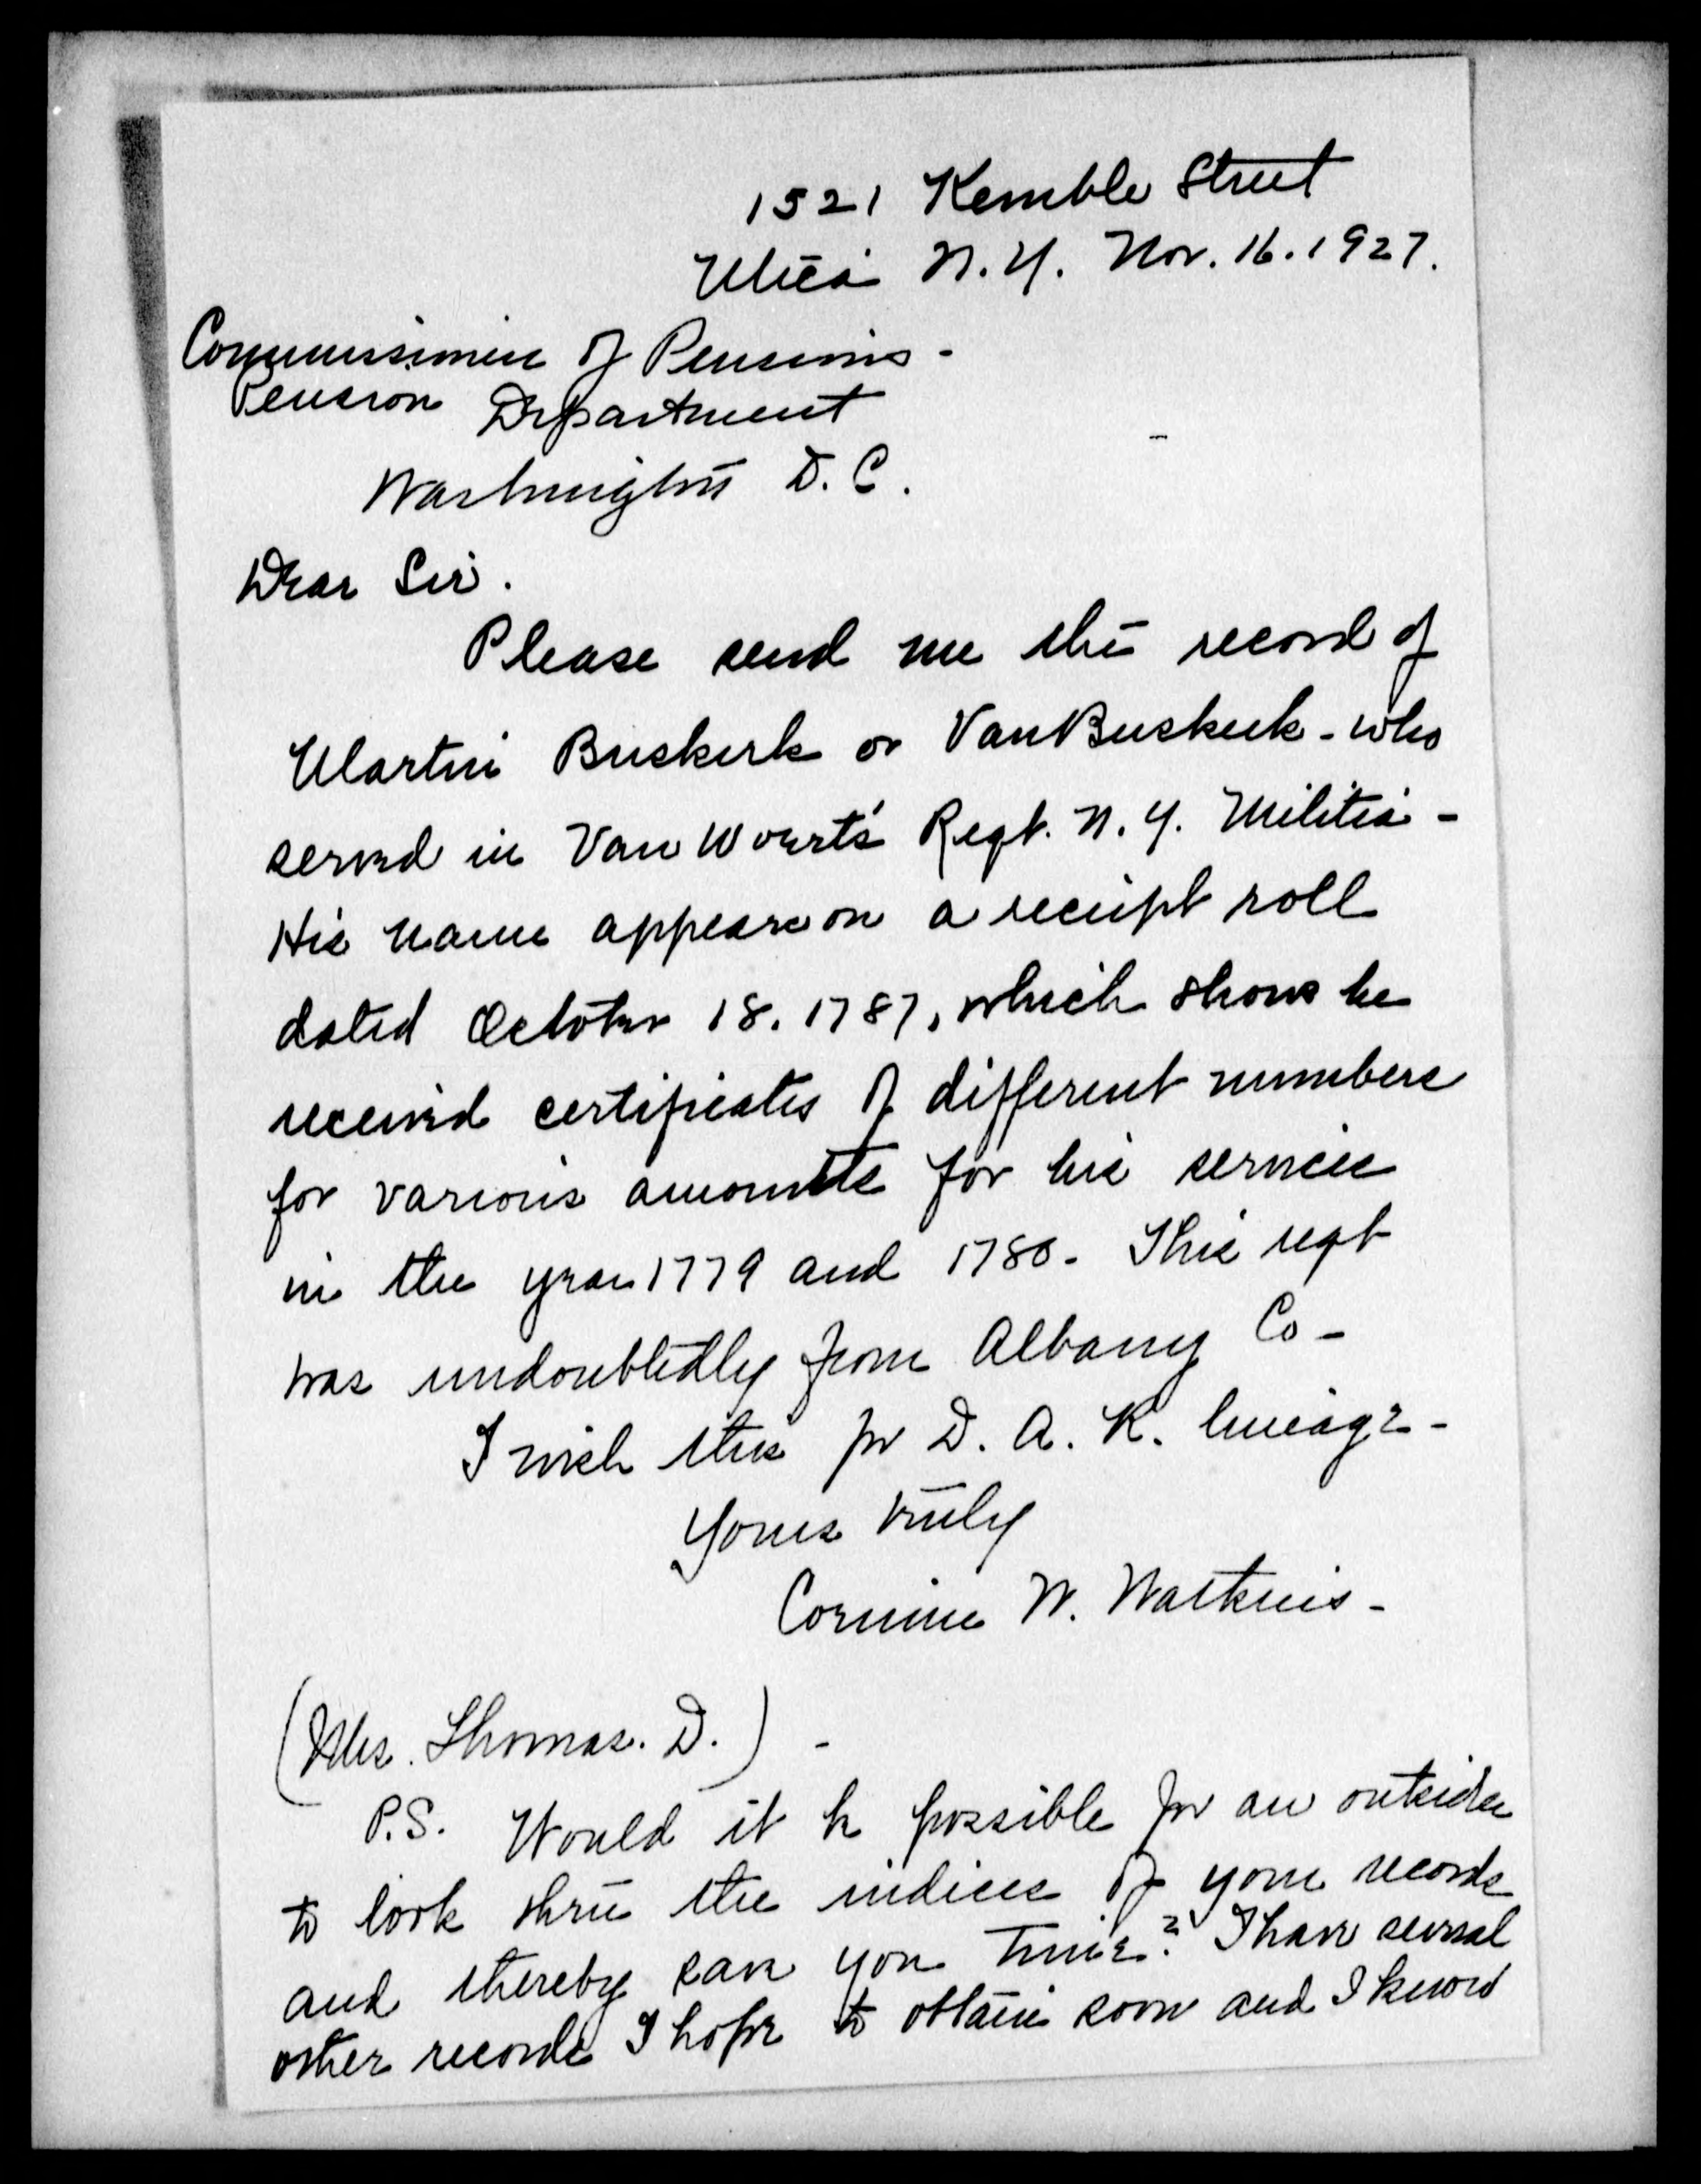1521 Kemble Street
Utica N.Y. Nov. 16. 1927.

Commissioner of Pensions
Pension Department
Washington D.C.

Dear Sir.
Please send me the record of Martin Buskirk or Van Buskirk, who served in Van Woert's Regt. N.Y. Militia - His name appears on a receipt roll dated October 18, 1787, which shows he received certificates of different numbers for various amounts for his services
in the year 1779 and 1780. This regt was undoubtedly from Albany Co - 

I wish this for D.A.R. lineage.

Yours truly
Corrine W. Watkins.

(Mrs. Thomas D.)

P.S. Would it be possible for an outsider to look thru the indices of your records and thereby save you time?  Then several other records I hope to obatin soom amd I know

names: Cornine W Watkins, Martin Van Buskerk, Thomas D, Martin Buskerk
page: 26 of 70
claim: rejected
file: R. 10,832, Martin Van Buskirk, New York.